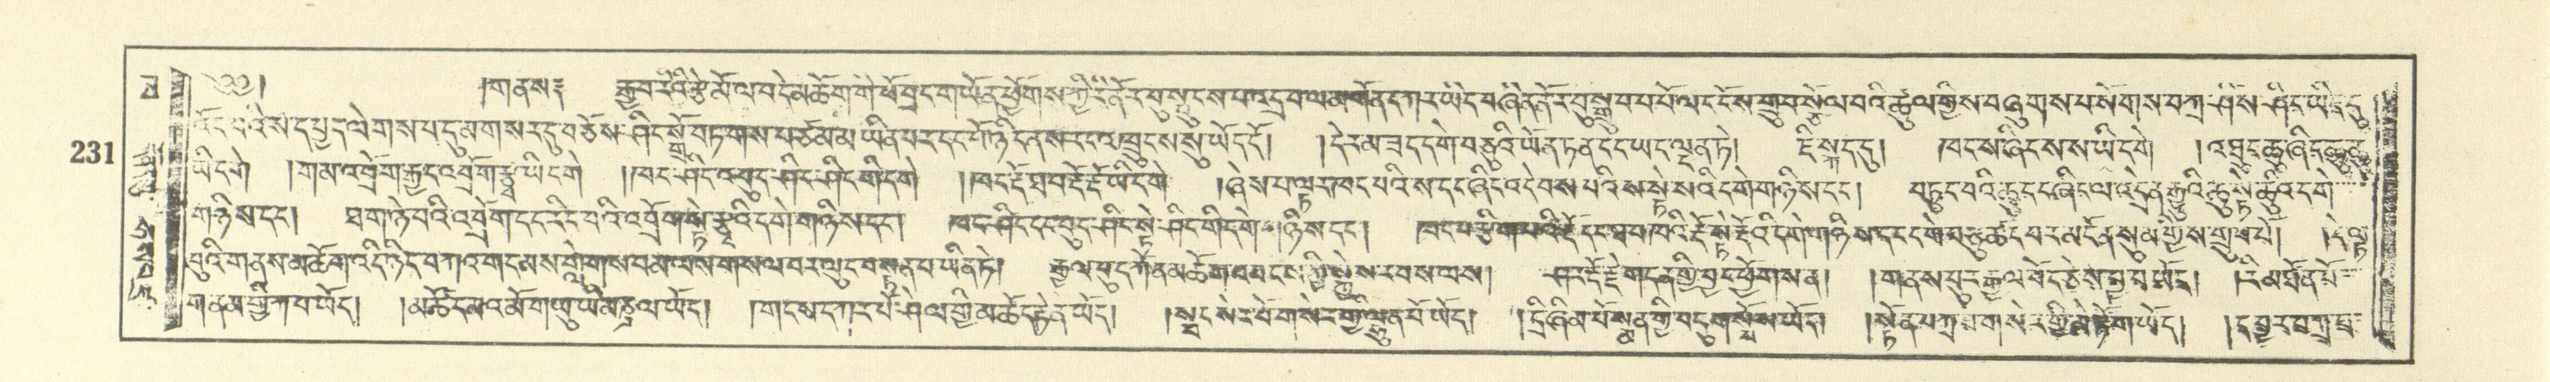༄༅། །གནས༑ རྒྱབ་རིའི་རྩེ་མོ་ལ་བདེ་མཆོག་གི་ཕོ་བྲང་གཡོན་ཕྱོགས་ཀྱི་རི་ནོར་བུ་སྤུངས་པ་འདྲ་བ་ལ་མགོན་དཀར་ཡིད་བཞིན་ནོར་བུ་སྒྲུབ་པ་པོ་ལང་ངོས་གྲུབ་སྩོལ་བའི་ཚུལ་གྱིས་བཞུགས་པ་སོགས་བཀྲ་ཤིས་ཤིང་ཡིད་དུ་
འོང་བའི་ས་དཔྱད་ལེགས་པ་དུ་མ་གསར་དུ་བཅོས་ཤིང་སྒྲོ་བཏགས་པ་ཙམ་མ་ཡིན་པར་དང་པོ་ཉིད་ནས་རང་འཁྲུངས་སུ་ཡོད་དོ། །དེར་མ་ཟད་དགེ་བཅུའི་ཡོན་ཏན་དང་ཡང་ལྡན་ཏེ། ཇི་སྐད་དུ། ཁང་ས་ཞིང་ས་ས་ཡི་དགེ །འཐུང་ཆུ་ཞིང་ཆུ་ཆུ་
ཡི་དགེ །གམ་འབྲོག་རྒྱང་འབྲོག་རྩྭ་ཡི་དགེ །ཁང་ཤིང་འབུད་ཤིང་ཤིང་གི་དགེ །ཁང་རྡོ་ཐབ་རྡོ་རྡོ་ཡི་དགེ །ཞེས་པ་ལྟར་ཁང་པའི་ས་དང་ཞིང་འདེབས་པའི་ས་སྟེ་སའི་དགེ་གཉིས་དང་། བཏུང་བའི་ཆུ་དང་ཞིང་ལ་འདྲེན་རྒྱུའི་ཆུ་སྟེ་ཆུའི་དགེ་
གཉིས་དང་། ཐག་ཉེ་བའི་འབྲོག་དང་རིང་བའི་འབྲོག་སྟེ་རྩྭའི་དགེ་གཉིས་དང་། ཁང་ཤིང་དང་བུད་ཤིང་སྟེ་ཤིང་གི་དགེ་གཉིས་དང་། ཁང་པ་རྩིག་པའི་རྡོ་དང་ཐབ་ཁའི་རྡོ་སྟེ་རྡོའི་དགེ་གཉིས་དང་དགེ་བཅུ་ཚད་པར་མངོན་སུམ་གྱིས་གྲུབ་པོ། །དེ་ལྟ་
བུའི་གནས་མཆོག་འདི་ཉིད་བཀའ་གདམས་གླེགས་བམ་ལས་གསལ་བར་ལུང་བསྟན་པ་ཡིན་ཏེ། རྒྱལ་བུ་དཀོན་མཆོག་འབངས་ཀྱི་སྐྱེས་རབས་ལས། ཤར་རྡོ་རྗེ་གདན་གྱི་བྱང་ཕྱོགས་ན། །གནས་པུར་རྒྱལ་བོད་ཅེས་བྱ་བ་ཡོད། །རིམ་ཐོན་པོ་
གནམ་གྱི་ཀ་བ་ཡོད། །མཚོ་དམའ་མོ་གཡུ་ཡི་མཎྜལ་ཡོད། །གངས་དཀར་པོ་ཤེལ་གྱི་མཆོད་རྟེན་ཡོད། །སྤང་སེར་པོ་གསེར་གྱི་ལྷུན་པོ་ཡོད། །དྲི་ཞིམ་པོ་སྨན་གྱི་བདུག་སྤོས་ཡོད། །སྟོན་བཀྲ་བ་གསེར་གྱི་མེ་ཏོག་ཡོད། །དབྱར་བཀྲ་པ་